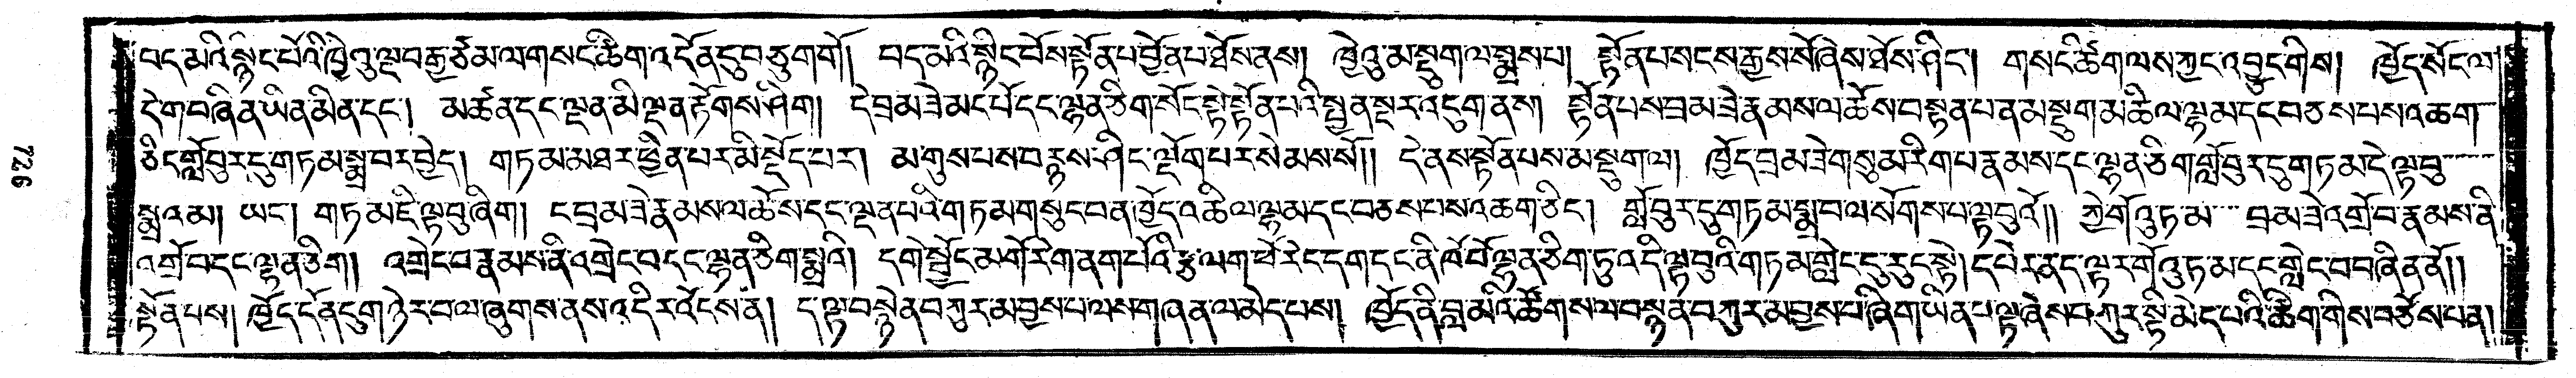བད་མའི་སྙིང་པོའི་ཁྱེའུ་ལྔ་བརྒྱ་ཙམ་ལ་གསང་ཚིག་འདོན་དུ་བཅུག་གོ། པད་མའི་སྙིང་པོས་སྟོན་པ་བྱོན་པ་ཐོས་ནས། ཁྱེའུ་མ་སྡུག་ལ་སྨྲས་པ། སྟོན་པ་སངས་རྒྱས་སོ་ཞེས་ཐོས་ཤིང་། གསང་ཚིག་ལས་ཀྱང་འབྱུང་གིས། ཁྱོད་སོང་ལ་
དེ་ག་བཞིན་ཡིན་མིན་དང་། མཚན་དང་ལྡན་མི་ལྡན་རྟོགས་ཤིག། དེ་བྲམ་ཟེ་མང་པོ་དང་ལྷན་ཅིག་སོང་སྟེ་སྟོན་པའི་སྤྱན་སྔར་འདུག་ནས། སྟོན་པས་བྲམ་ཟེ་རྣམས་ལ་ཆོས་བསྟན་པ་ན་མ་སྡུག་མཆིལ་ལྷ་མ་དང་བཅས་པས་འཆག་
ཅིང་གློ་བུར་དུ་གཏམ་སྨྲ་བར་བྱེད། གཏམ་མཐར་ཕྱིན་པར་མི་སྡོད་པར། མ་གུས་པས་བརྙས་ཤིང་ལྡོག་པར་སེམས་སོ།། དེ་ནས་སྟོན་པས་མ་སྡུག་ལ། ཁྱོད་བྲམ་ཟེ་གསུམ་རིག་པ་རྣམས་དང་ལྷན་ཅིག་གློ་བུར་དུ་གཏམ་དེ་ལྟ་བུ་
སྨྲའམ། ཡང་། གཏམ་ཇི་ལྟ་བུ་ཞིག། ང་བྲམ་ཟེ་རྣམས་ལ་ཆོས་དང་ལྡན་པའི་གཏམ་གསུང་བ་ན་ཁྱོད་འཆིལ་ལྷམ་དང་བཅས་པས་འཆག་ཅིང་། གློ་བུར་དུ་གཏམ་སྨྲ་བ་ལ་སོགས་པ་ལྟ་བུའོ། །ཀྱེ་གོའུ་ཏ་མ་བྲམ་ཟེ་འགྲོ་བ་རྣམས་ནི་
འགྲོ་བ་དང་ལྷན་ཅིག། འགྲེང་བ་རྣམས་ནི་འགྲེང་བ་དང་ལྷན་ཅིག་སྨྲའི། དགེ་སྦྱོང་མགོ་རེག་ནག་པོའི་རྩ་ལག་ཕོ་རེང་དག་དང་ནི་ཁོ་བོ་ལྷན་ཅིག་ཏུ་འདི་ལྟ་བུའི་གཏམ་གླེང་དུ་རུང་སྟེ། དཔེར་ན་ད་ལྟར་གོའུ་ཏ་མ་དང་གླེང་བ་བཞིན་ནོ། །
སྟོན་པས། ཁྱོད་དོན་དུ་གཉེར་བ་ལ་ཞུགས་ནས་འདིར་འོངས་ན། ད་ལྟ་བསྙེན་བཀུར་མ་བྱས་པ་ལས་གཞན་ལ་མེད་པས། ཁྱོད་ནི་བླ་མའི་ཚོགས་ལ་བསྙན་བཀུར་མ་བྱས་པ་ཞིག་ཡིན་པ་ལྟ་ཞེས་བཀུར་སྟི་མེད་པའི་ཚིག་གིས་བཙོས་པ་ན།